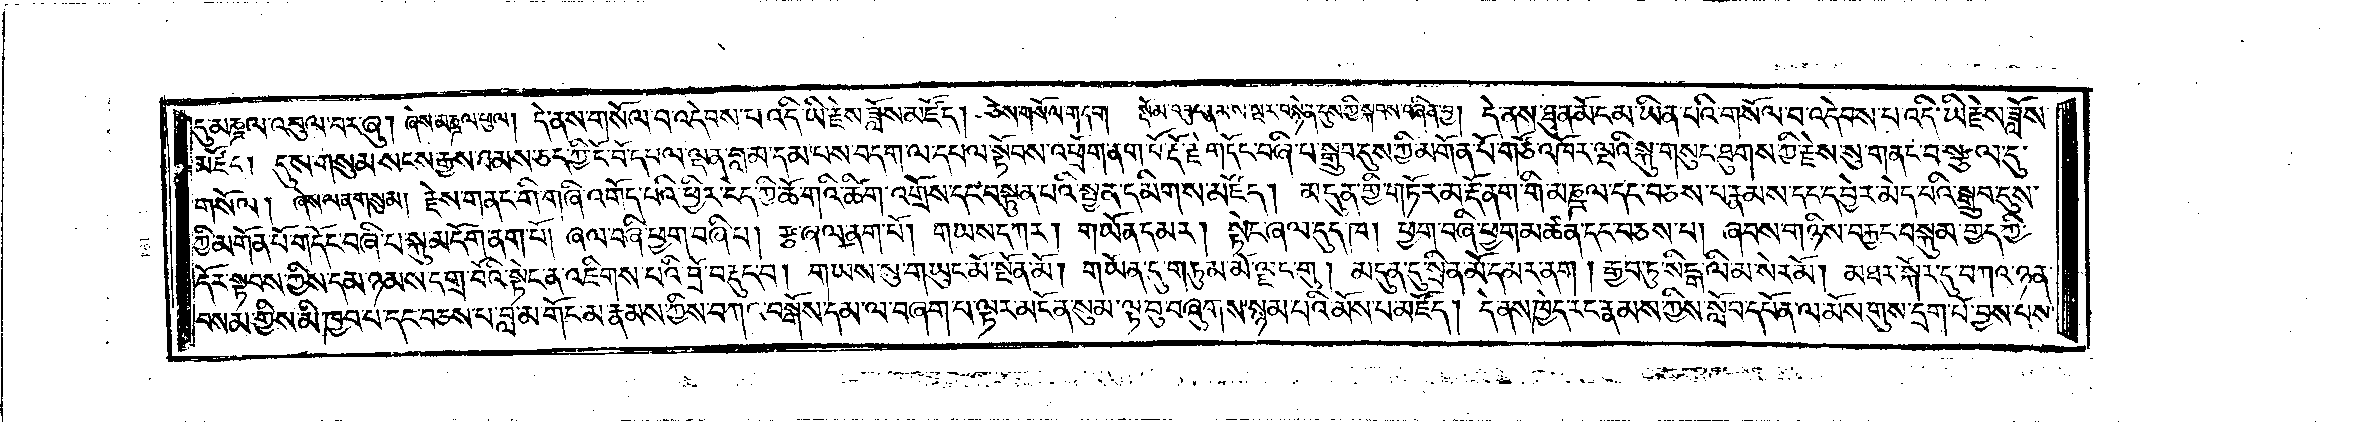དུ་མཎྜལ་འབུལ་བར་ཞུ། ཞེས་མཎྜལ་ཕུལ།  དེ་ནས་གསོལ་བ་འདེབས་པ་འདི་ཡི་རྗེས་ཟློས་མཛོད། ཅེས་གསོལ་གདབ། སྡོམ་བཟུང་རྣམས་སྔར་བསྙེན་དུས་ཀྱི་སྐབས་བཞིན་བྱ།  དེ་ནས་ཐུན་མོང་མ་ཡིན་པའི་གསོལ་བ་འདེབས་པ་འདི་ཡི་རྗེས་ཟློས་
མཛོད། དུས་གསུམ་སངས་རྒྱས་ཐམས་ཅད་ཀྱི་ངོ་བོ་དཔལ་ལྡན་བླ་མ་དམ་པས་བདག་ལ་དཔལ་སྟོབས་འཕྲོག་ནག་པོ་རྡོ་རྗེ་གདོང་བཞི་བ་སྒྲུབ་དུས་ཀྱི་མགོན་པོ་གཙོ་འཁོར་ལྔའི་སྐུ་གསུང་ཐུགས་ཀྱི་རྗེས་སུ་གནང་བ་སྩལ་དུ་
གསོལ། ཞེས་ལན་གསུམ།  རྗེས་གནང་གི་གཞི་འགོད་པའི་ཕྱིར་ངེད་ཀྱི་ཆོ་གའི་ཚིག་འགྲོས་དང་བསྟུན་པའི་སྤྱན་དམིགས་མཛོད། མདུན་གྱི་གཏོར་མ་རྡོ་ནག་གི་མཎྜལ་དང་བཅས་པ་རྣམས་དང་དབྱེར་མེད་པའི་སྒྲུབ་དུས་
གྱི་མགོན་པོ་གདོང་བཞི་པ་སྐུ་མདོག་ནག་པོ། ཞལ་བཞི་ཕྱག་བཞི་པ། རྩ་ཞལ་ནག་པོ། གཡས་དཀར། གཡོན་དམར། སྟེང་ཞལ་དུད་ཁ། ཕྱག་བཞི་ཕྱག་མཚན་དང་བཅས་པ། ཞབས་གཉིས་བརྐྱང་བསྐུམ་གྱད་ཀྱི་
དོར་སྟབས་ཀྱིས་དམ་ཉམས་དགྲ་བོའི་སྟེང་ན་འཇིགས་པའི་བྲོ་བརྡུང་བ། གཡས་སུ་གཡུང་མོ་སྔོན་མོ། གཡོན་དུ་གཏུམ་མོ་ལྗང་གུ། མདུན་དུ་སྲིན་མོ་དམར་ནག། རྒྱབ་ཏུ་སིངྒ་ལི་མ་སེར་མོ། མཐར་སྐོར་དུ་བཀའ་ཉན་
བསམ་གྱིས་མི་ཁྱབ་པ་དང་བཅས་པ་བླ་མ་གོང་མ་རྣམས་ཀྱིས་བཀའ་བསྒོས་དམ་ལ་བཞག་པ་ལྟར་མངོན་སུམ་ལྟ་བུ་བཞུགས་སྙམ་པའི་མོས་པ་མཛོད། དེ་ནས་ཁྱེད་རང་རྣམས་ཀྱིས་སློབ་དཔོན་ལ་མོས་གུས་དྲག་པོ་བྱས་པས་